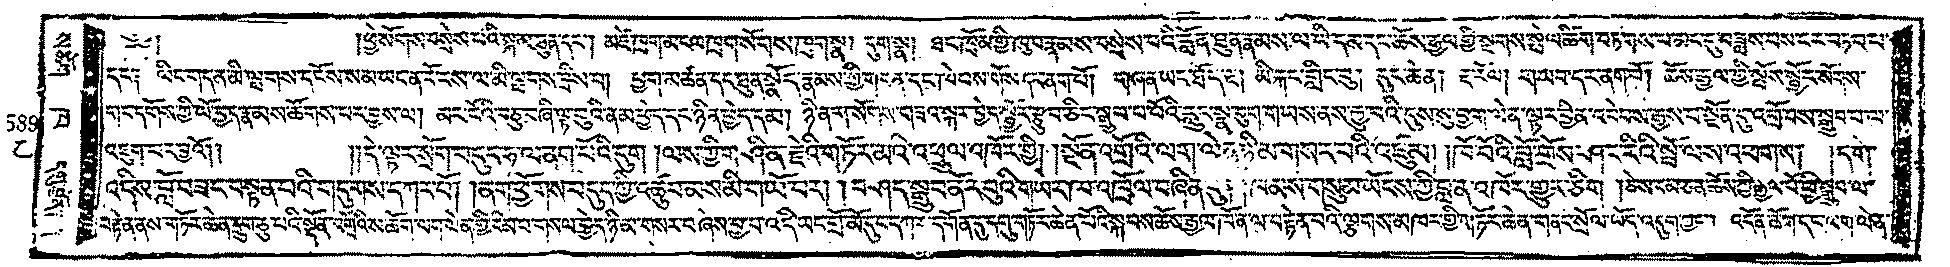༄༅། །ཕྱེ་སོགས་བསྲེས་པའི་སྐམ་ཐུན་དང་། མཛེ་ཁྲག་མངལ་ཁྲག་སོགས་ཁྲག་སྣ། དུག་སྣ། ཐང་ཁྲོམ་གྱི་ཁུ་བ་རྣམས་བསྲེས་པའི་རློན་ཐུན་རྣམས་ལ་ཡི་དམ་དང་ཆོས་རྒྱལ་གྱི་སྔགས་སྤེལ་ཚིག་བཏགས་པ་མང་དུ་བཟླས་པས་ངར་བཏབ་པ་
དང༑ ལིང་གདན་མི་ལྤགས་དངོས་སམ་ཡང་ན་རོ་རས་ལ་མི་ལྤགས་བྲིས་པ། ཕྱག་མཚན་དང་ཐུན་སྣོད་རྣམས་ཀྱི་གདན་དང་ཁེབས་གོས་དར་ནག་པོ། གཞན་ཡང་ཐོད་རྔ། མི་རྐང་གླིང་བུ། དུང་ཆེན། རྔ་རོལ། གཡབ་དར་ནག་པོ། ཆོས་རྒྱལ་གྱི་སྤོས་སྦྱོར་སོགས་
གང་དགོས་ཀྱི་ཡོ་བྱད་རྣམས་ཚོགས་པར་བྱས་ལ། མར་ངོའི་བཅུ་བཞི་ལྟ་བུའི་ནམ་ཕྱེད་དང་ཉིན་ཕྱེད་དམ། ཉི་ནག་སོགས་གཟའ་སྐར་བྱེད་སྦྱོར་རྩུབ་ཅིང་སྒྲུབ་པ་པོའི་རླུང་སྣ་བུག་གཡས་ནས་རྒྱུ་བའི་དུས་སུ་ཕྱག་ལེན་ལྟར་བྱིན་འབེབས་རྒྱས་པ་སྔོན་དུ་འགྲོ་བས་སྒྲུབ་བ་ལ་
འཇུག་པར་བྱའོ།། །།དེ་ལྟར་སྲོག་བདུད་ཧ་ལ་ནག་པོའི་དུག །ལས་ཀྱི་གཤིན་རྗེའི་གཏོར་མའི་འཕྲུལ་འཁོར་གྱི། །སྔོན་འགྲོའི་ལག་ལེན་ཉི་མ་གསར་པའི་འཛུམ། །ཁོ་བོའི་བློ་གྲོས་ཤར་རིའི་སྤོ་ལས་འཕགས། །དགེ་
འདིས་བློ་བཟང་བསྟན་པའི་གདུགས་དཀར་པོ། །ནག་ཕྱོགས་བདུད་ཀྱི་འཚུབ་མས་མི་གཡོ་བར། །བཤད་སྒྲུབ་ནོར་བུའི་གཡེར་ཁ་འཁྲོལ་བཞིན་དུ། །ཁམས་གསུམ་ཡོངས་ཀྱི་བླ་ན་འཁོར་གྱུར་ཅིག །ཅེས་ངམ་ཅན་ཆོས་ཀྱི་རྒྱལ་པོ་སྒྲུབ་ལ་
བརྟེན་ནས་གཏོར་ཆེན་དྲུག་ཅུ་པའི་སྔོན་འགྲོའི་ས་ཆོག་ལག་ལེན་གྱི་རིམ་པ་གསལ་བྱེད་ཉི་མ་གསར་བ་ཞེས་བྱ་བ་འདི་ཡང་གྲོ་མོ་དུང་དཀར་དགོན་དུ་དགུ་གཏོར་ཆེན་པོའི་སྐབས་ཆོས་རྒྱལ་ཁོ་ན་ལ་བརྟེན་པའི་ལྕགས་མཁར་གྱི་གཏོར་ཆེན་གནང་སྲོལ་ཡོད་འདུག་ཀྱང་། འདོན་ཆོག་དང་ལག་ལེན་